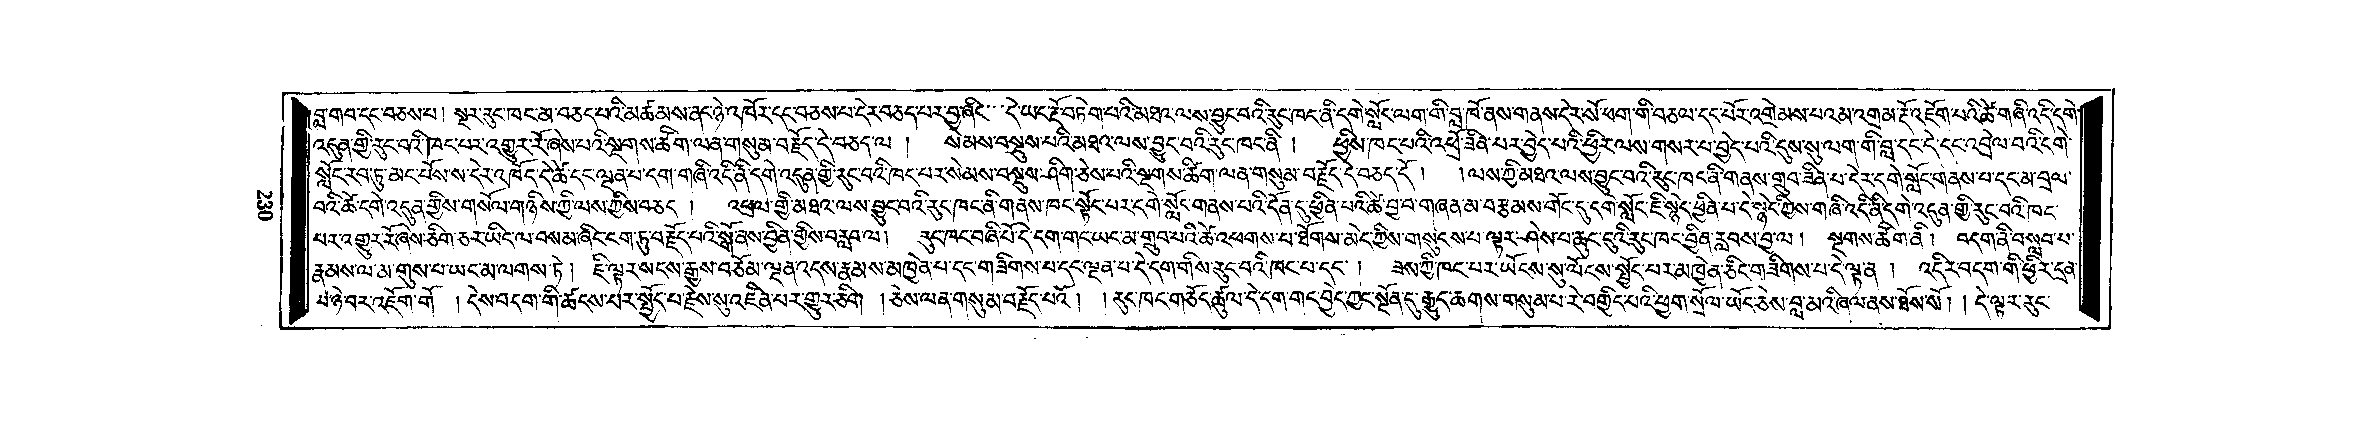བླ་གབ་དང་བཅས་པ། སྔར་རུང་ཁང་མ་བཅད་པའི་མཚམས་ནང་ཉེ་འཁོར་དང་བཅས་པ་དེར་བཅད་པར་བྱ་ཞིང་དེ་ཡང་རྡོ་བཏེག་པའི་མཐའ་ལས་བྱུང་བའི་རུང་ཁད་ནི་དགེ་སློང་ལག་གི་བླ་ཁོ་ནས་གནས་དེར་སོ་ཕག་གི་བཅལ་དང་པོར་འགྲེམས་པའམ་འགྲམ་རྡོ་འཇོག་པའི་ཚེ་གཞི་འདི་དགེ་
འདུན་གྱི་རུང་བའི་ཁང་པར་འགྱུར་རོ་ཞེས་པའི་སྔགས་ཚིག་ལན་གསུམ་བརྗོད་དེ་བཅད་ལ། སེམས་བསྡུས་པའི་མཐའ་ལས་བྱུང་བའི་རུང་ཁང་ནི། ཕྱིས་ཁང་པའི་འཕྲོ་ཟིན་པར་བྱེད་པའི་ཕྱིར་ལས་གསར་པ་བྱེད་པའི་དུས་སུ་ལག་གི་བླ་དང་དེ་དང་འབྲེལ་བའི་དགེ་
སློང་རབ་ཏུ་མང་པོས་ས་དེར་འཁོད་དེ་ཚེ་དང་ལྡན་པ་དག་གཞི་འདི་ནི་དགེ་འདུན་གྱི་རུང་བའི་ཁད་པར་སེམས་བསྡུས་ཤིག་ཅེས་པའི་སྔགས་ཚིག་ལན་གསུམ་བརྗོད་དེ་བཅད་དོ། །ལས་ཀྱི་མཐའ་ལས་བྱུང་བའི་རུང་ཁང་ནི་གནས་གྲུབ་ཟིན་པ་དེར་དགེ་སློང་གནས་པ་དང་མ་བྲལ་
བའི་ཚེ་དགེ་འདུན་གྱིས་གསོལ་གཉིས་ཀྱི་ལས་ཀྱིས་བཅད། འཕྲལ་གྱི་མཐའ་ལས་བྱུང་བའི་རུང་ཁང་ནི་གནས་ཁང་སྟོང་པར་དགེ་སློང་གནས་པའི་དོན་དུ་ཕྱིན་པའི་ཚེ་བྱ་བ་གཞན་མ་བརྩམས་གོང་དུ་དགེ་སློང་ཇི་སྙེད་ཕྱིན་པ་དེ་སྙེད་ཀྱིས་གཞི་འདི་ནི་དགེ་འདུན་གྱི་རུང་བའི་ཁང་
པར་འགྱུར་རོ་ཞེས་ཅིག་ཅར་ཡིད་ལ་བསམ་ཞིང་ངག་ཏུ་བརྗོད་པའི་སྒོ་ནས་བྱིན་གྱིས་བརླབ་ལ། རུང་ཁང་བཞི་པོ་དེ་དག་གང་ཡང་མ་གྲུབ་པའི་ཚེ་འཕགས་པ་ཐོགས་མེད་ཀྱིས་གསུངས་པ་ལྟར་ཤེས་པ་ཆུང་ངུའི་རུང་ཁང་བྱིན་རླབས་བྱ་ལ། སྔགས་ཚིག་ནི། བདག་ནི་བསླབ་པ་
རྣམས་ལ་མ་གུས་པ་ཡང་མ་ལགས་ཏེ། ཇི་ལྟར་སངས་རྒྱས་བཅོམ་ལྡན་འདས་རྣམས་མཁྱེན་པ་དང་གཟིགས་པ་དང་ལྡན་པ་དེ་དག་གིས་རུང་བའི་ཁང་པ་དང་། ཟས་ཀྱི་ཁང་པར་ཡོངས་སུ་ལོངས་སྤྱོད་པར་མཁྱེན་ཅིང་གཟིགས་པ་དེ་ལྟ་ན། འདིར་བདག་གི་ཕྱིར་དྲན་
པ་ཉེ་བར་འཇོག་གོ །དེས་བདག་གི་ཚངས་པར་སྤྱོད་པ་རྗེས་སུ་འཛིན་པར་གྱུར་ཅིག །ཅེས་ལན་གསུམ་བརྗོད་པའོ། །རུང་ཁང་གཅོད་ཚུལ་དེ་དག་གང་བྱེད་ཀྱང་སྔོན་དུ་རྒྱུད་ཆགས་གསུམ་པ་རེ་བགྱིད་པའི་ཕྱག་སྲོལ་ཡོད་ཅེས་བླ་མའི་ཞལ་ནས་ཐོས་སོ། །དེ་ལྟར་རུང་